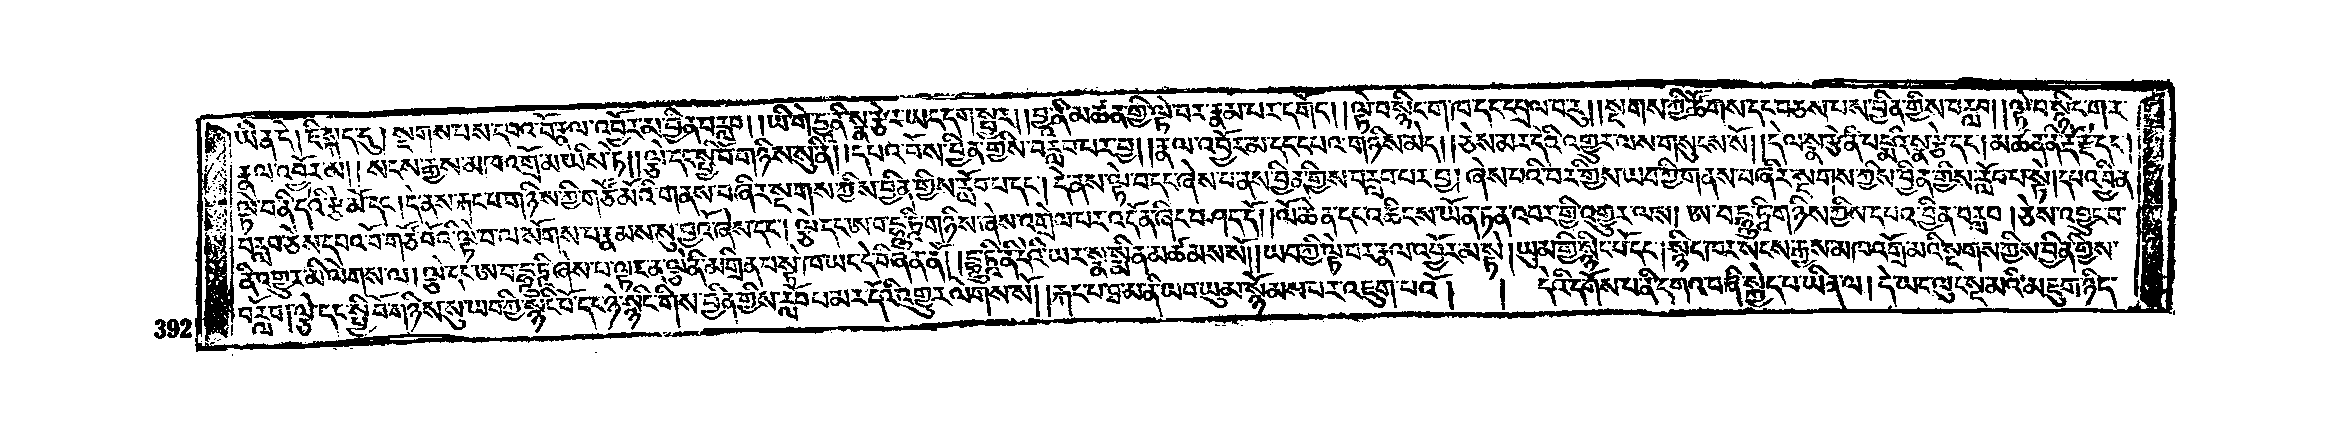ཡིན་དེ། ཇི་སྐད་དུ། སྔགས་པས་དཔའ་བོ་རྣལ་འབྱོར་མ་བྱིན་བརླབ། །ཡི་གེ་དྱཱ་ནི་སྣ་རྩེར་ཡང་དག་སྦྱར། །བྱཱ་ནི་མཚན་གྱི་ལྟེ་བར་རྣམ་པར་དགོད། །ལྟེ་བ་སྙིང་ག་ཁ་དང་དཔྲལ་བ་རུ། །སྔགས་ཀྱི་ཚོགས་དང་བཅས་པས་བྱིན་གྱིས་བརླབ། །ལྟེ་བ་སྙིང་གར་
རྣལ་འབྱོར་མ། །སངས་རྒྱས་མཁའ་འགྲོ་མ་ཡིས་ཏེ། །ལྕེ་དང་སྤྱི་བོ་གཉིས་སུ་ནི། །དཔའ་བོས་བྱིན་གྱིས་བརླབ་པར་བྱ། །རྣལ་འབྱོར་མ་དང་དཔའ་གཉིས་མེད། །ཅེས་མར་དེའི་འགྱུར་ལས་གསུངས་སོ། །དེ་ལ་སྣ་རྩེ་ནི་པདམའི་སྣ་རྩེ་དང་། མཚན་ནི་རྡོ་རྗེ་དང་།
ལྟེ་བ་ནི་དེའི་རྩེ་མོ་དང་། དེ་ནས་རྐང་པ་གཉིས་ཀྱི་གཙོ་མོའི་གནས་བཞིར་སྔགས་ཀྱིས་བྱིན་གྱིས་རློབ་པ་དང་། དེ་ནས་ལྟེ་བ་དང་ཞེས་པ་ནས་བྱིན་གྱིས་བརླབ་པར་བྱ། ཞེས་པའི་བར་གྱིས་ཡབ་ཀྱི་གནས་བཞིར་སྔགས་ཀྱིས་བྱིན་གྱིས་རློབ་པ་སྟེ། དཔའ་བྱིན་
བརླབ་ཅེས་དཔའ་བོ་གཙོ་བོའི་ལྟེ་བ་ལ་སོགས་པ་རྣམས་སུ་བྱའོ་ཞེས་དང་། ལྕེ་དང་ཨ་བ་དྷཱུ་ཏཱི་གཉིས་ཞེས་འགྲེལ་པར་འདོན་ཞིང་བཤད་དོ། །ལོ་ཆེན་དང་འཆིངས་ཡོན་ཏན་འབར་གྱི་འགྱུར་ལས། ཨ་བ་དྷཱུ་ཏཱི་གཉིས་ཀྱིས་དཔའ་བྱིན་བརླབ། ཅེས་འབྱུང་བ་
ནི་འགྱུར་མི་ལེགས་ལ། ལྕེ་དང་ཨ་བ་དྷཱུ་ཏཱི་ཞེས་པ་ལྟར་ན་ལྕེ་ནི་མགྲིན་པ་སྟེ་ཁ་ཡང་དེ་བཞིན་ནོ། །དྷཱུ་ཏཱི་ནི་དེའི་ཡར་སྣ་སྨིན་མཚམས་སོ། །ཡབ་ཀྱི་ལྟེ་བར་རྣལ་འབྱོར་མ་སྟེ། ཡུམ་གྱི་སྙིང་པོ་དང་། སྙིང་ཁར་སངས་རྒྱས་མཁའ་འགྲོ་མའི་སྔགས་ཀྱིས་བྱིན་གྱིས་
བརླབ། ལྕེ་དང་སྤྱི་བོ་གཉིས་སུ་ཡབ་ཀྱི་སྙིང་པོ་དང་ཉེ་སྙིང་གིས་བྱིན་གྱིས་རློབ་པ་མར་དོའི་འགྱུར་ལེགས་སོ། །རྐང་པ་ཐ་མ་ནི་ཡབ་ཡུམ་སྙོམས་པར་འཇུག་པའོ། །དེའི་དགོས་པ་ནི་དགའ་བཞི་སྐྱེད་པ་ཡིན་ལ། དེ་ཡང་ལུང་སྔ་མའི་མཇུག་ཉིད་